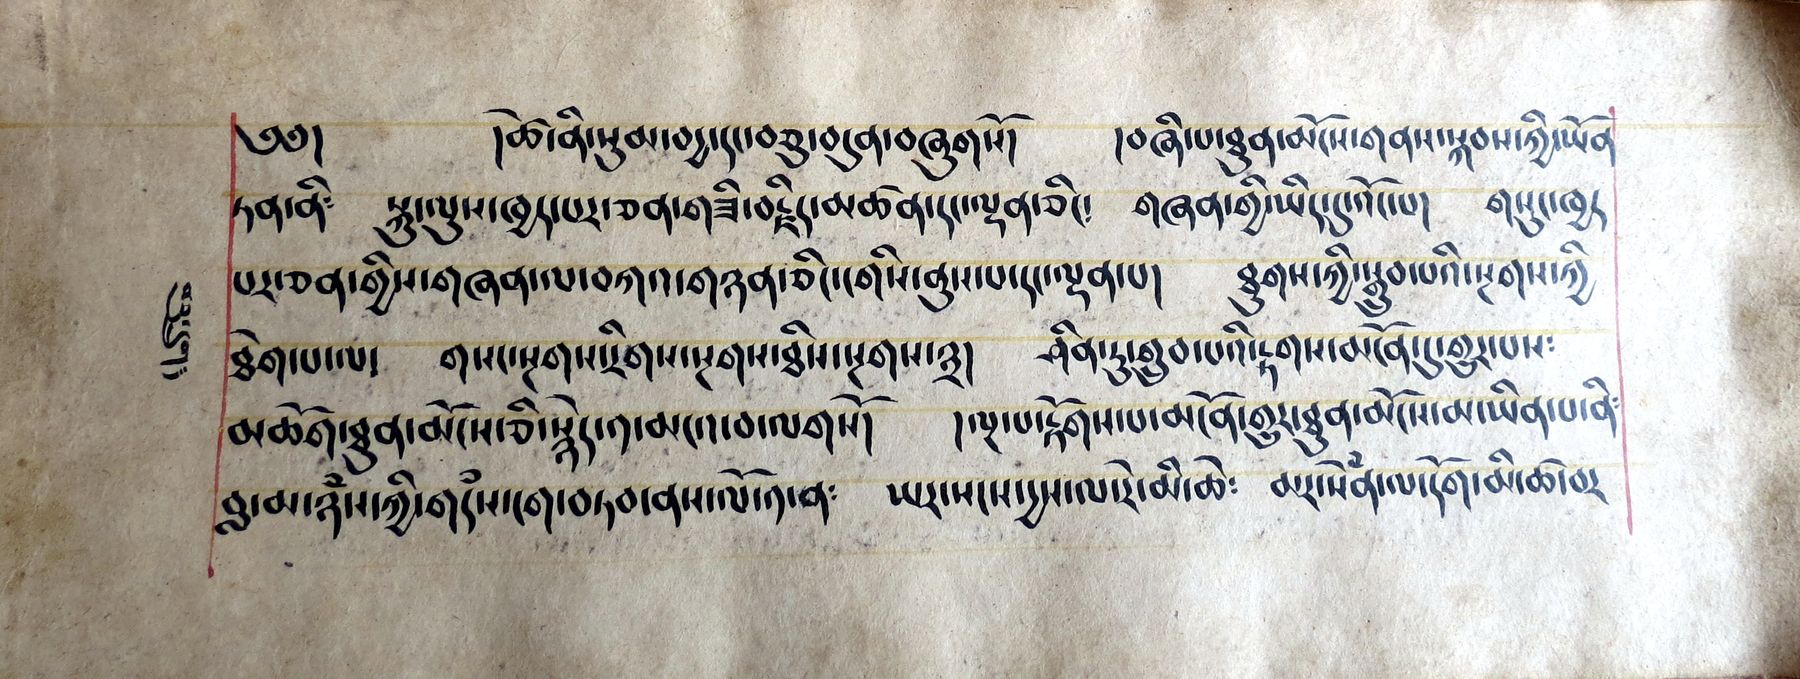ཚེ་ནི་སུམ་བརྒྱ་དང་བཅུ་བདུན་༼བདུན་ཅུ་དཔེ་གཞན༽བཞུགས་སོ། །བཞི་པ་ཐུན་མོང་གནས་སྐབས་ཀྱི་ཡོན་
ཏན་ནི། སྐུ་ལུས་ཁྱད་པར་ཅན་གཟི་བརྗིད་མཚན་དང་ལྡན་ཞིང་། གཞན་གྱིས་ཡིད་དུ་འོང་པ། གསུང་ཁྱད་
པར་ཅན་གྱིས་གཞན་ལ་བཀའ་གཉན་ཅིང་ངག་གི་ནུས་པ་དང་ལྡན་པ། ཐུགས་ཀྱི་བསྒྲུབས་པའི་སྔགས་ཀྱི་
ཐེག་པ་ལ། གསང་སྔགས་རིགས་སྔགས་ཐིས་སྔགས་གསུམ། ཤིན་ཏུ་གྲུབ་པའི་རྟགས་མངོན་དུ་གྱུར་པས། 
མཆོག་ཐུན་མོང་ཅི་སྙེད་ཅིག་མངའ་བ་ལགས་སོ། །ལྔ་པ་རྟོགས་པ་མངོན་གྱུར་ཐུན་མོང་མ་ཡིན་པ་ནི། 
བླ་མས་ཉམས་ཀྱི་མན་ངག་བཏབ་ནས། ལོ་གཅིག་ན་ཡར་སངས་རྒྱས་ལ་རེ་མི་ཆེ། མར་སེམས་ཅན་ལ་དོགས་མི་ཚ་བར་